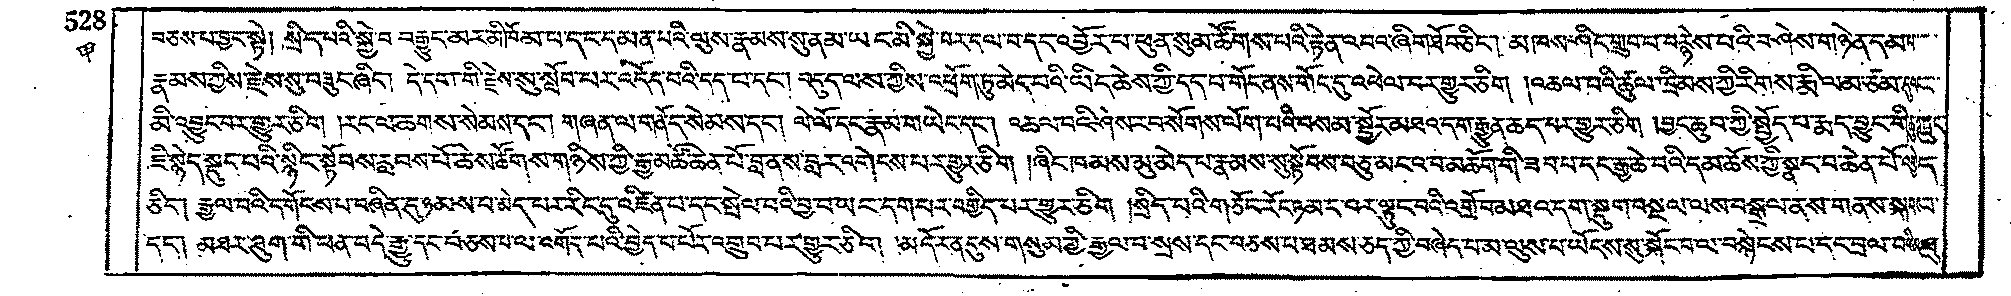བཅས་པ་བྱང་སྟེ། སྲིད་པའི་སྐྱེ་བ་བརྒྱུད་མར་མི་ཁོམ་པ་དང་དམན་པའི་ལུས་རྣམས་སུ་ནམ་ཡང་མི་སྐྱེ་བར་དལ་བ་དང་འབྱོར་པ་ཕུན་སུམ་ཚོགས་པའི་རྟེན་འབའ་ཞིག་ཐོབ་ཅིང་། མཁས་ཤིང་གྲུབ་པ་བརྙེས་པའི་བཤེས་གཉེན་དམ་པ་
རྣམས་ཀྱིས་རྗེས་སུ་བཟུང་ཞིང་། དེ་དག་གི་རྗེས་སུ་སློབ་པར་འདོད་པའི་དད་པ་དང་། བདུད་ལས་ཀྱིས་འཕྲོག་ཏུ་མེད་པའི་ཡིད་ཆེས་ཀྱི་དད་པ་གོང་ནས་གོང་དུ་འཕེལ་བར་གྱུར་ཅིག །འཆལ་བའི་ཚུལ་ཁྲིམས་ཀྱི་རིགས་རྨི་ལམ་ཙམ་དུའང་
མི་འབྱུང་བར་གྱུར་ཅིག །རང་ལ་ཆགས་སེམས་དང་། གཞན་ལ་གནོད་སེམས་དང་། ལེ་ལོ་དང་རྣམ་གཡེང་དང་། འཆལ་བའི་ཤེས་རབ་སོགས་ལོག་པའི་བསམ་སྦྱོར་མཐའ་དག་རྒྱུན་ཆད་པར་གྱུར་ཅིག །བྱང་ཆུབ་ཀྱི་སྤྱོད་པ་རྨད་བྱུང་གི་ཆུ་ཀླུང་
ཇི་སྙེད་སྡུད་པའི་སྙིང་སྟོབས་རླབས་པོ་ཆེས་ཚོགས་གཉིས་ཀྱི་རྒྱ་མཚོ་ཆེན་པོ་བླ་ནས་བླར་འགེངས་པར་གྱུར་ཅིག །ཞིང་ཁམས་མུ་མེད་པ་རྣམས་སུ་སྟོབས་བཅུ་མངའ་བ་མཆོག་གི་ཟབ་པ་དང་རྒྱ་ཆེ་བའི་དམ་ཆོས་ཀྱི་སྣང་བ་ཆེན་པོ་འགྱེད་
ཅིང་། རྒྱལ་བའི་དགོངས་པ་བཞིན་དུ་ཉམས་པ་མེད་པར་རིང་དུ་འཛིན་པ་དང་སྤེལ་བའི་བྱ་བ་ཡང་དག་པར་བགྱིད་པར་གྱུར་ཅིག །སྲིད་པའི་གཅོང་རོང་ཉམ་ང་བར་ལྟུང་བའི་འགྲོ་བ་མཐའ་དག་སྡུག་བསྔལ་ལས་བསྒྲལ་ནས་གནས་སྐབས་
དང་། མཐར་ཐུག་གི་ཕན་བདེ་རྒྱུ་དང་བཅས་པ་ལ་འགོད་པའི་བྱེད་པ་པོར་འགྲུབ་པར་གྱུར་ཅིག །མདོར་ན་དུས་གསུམ་གྱི་རྒྱལ་བ་སྲས་དང་བཅས་པ་ཐམས་ཅད་ཀྱི་བཞེད་པ་མ་ལུས་པ་ཡོངས་སུ་སྐོང་བ་ལ་བསྙེངས་པ་དང་བྲལ་བའི་མཐུ་